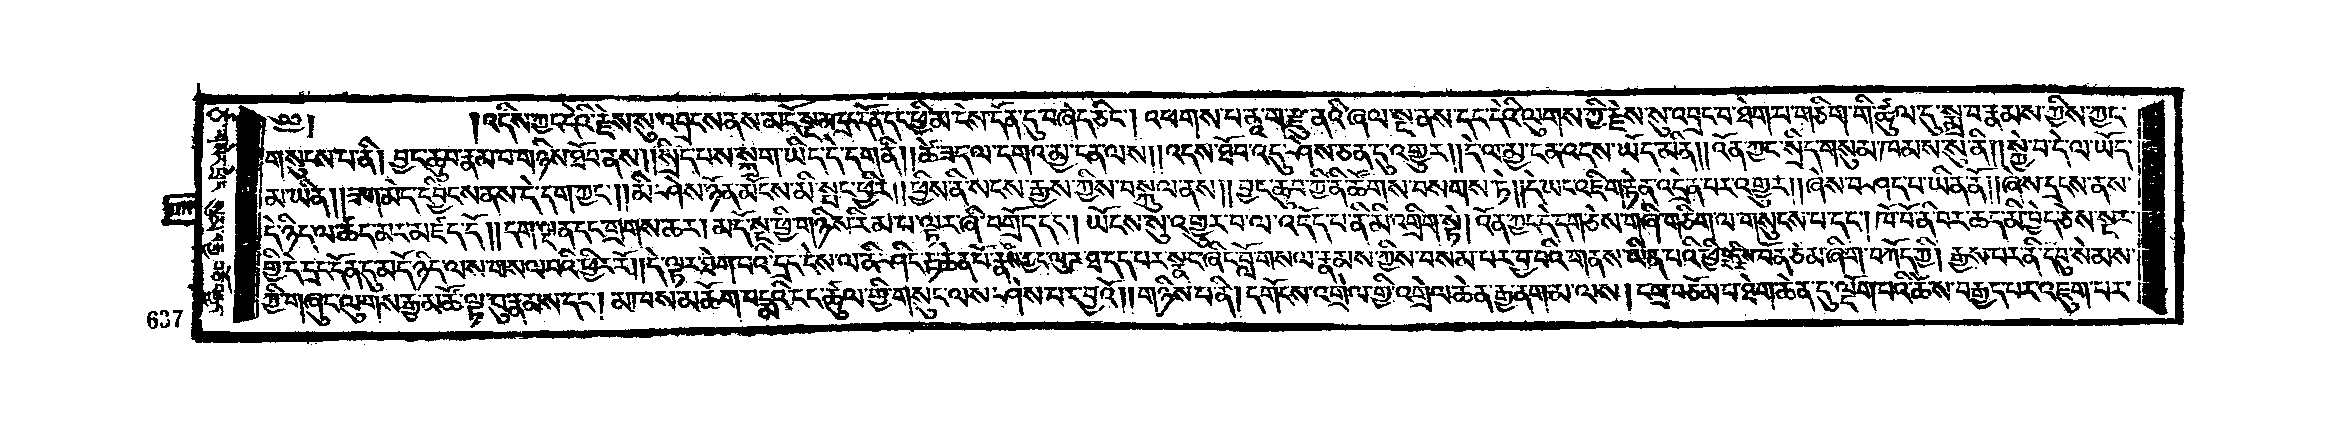༄༅། །འདིས་ཀྱང་དེའི་རྗེས་སུ་འབྲངས་ནས་མདོ་སྔམ་དྲང་དོན་དང་ཕྱི་མ་ངེས་དོན་དུ་བཞེད་ཅིང་། འཕགས་པ་ནཱ་ག་རྫུ་ནའི་ཞལ་སྔ་ནས་དང་དེའི་ལུགས་ཀྱི་རྗེས་སུ་འབྲང་བ་ཐེག་པ་གཅིག་གི་ཚུལ་དུ་སྨྲ་བ་རྣམས་ཀྱིས་ཀྱང་
གསུངས་པ་ནི། བྱང་ཆུབ་རྣམ་པ་གཉིས་ཐོབ་ནས། །སྲིད་པས་སྐྲག་ཡིད་དེ་དག་ནི། །ཚེ་ཟད་ལ་དགའ་མྱ་ངན་ལས། །འདས་ཐོབ་འདུ་ཤེས་ཅན་དུ་འགྱུར། །དེ་ལ་མྱ་ངན་འདས་ཡོད་མིན། །འོན་ཀྱང་སྲིད་གསུམ་ཁམས་སུ་ནི། །སྐྱེ་བ་དེ་ལ་ཡོད་
མ་ཡིན། །ཟག་མེད་དབྱིངས་ནས་དེ་དག་ཀྱང་། །མི་ཤེས་ཉོན་མོངས་མི་སྤང་ཕྱིར། །ཕྱིས་ནི་སངས་རྒྱས་ཀྱིས་བསྐུལ་ནས། །བྱང་ཆུབ་ཀྱི་ནི་ཚོགས་བསགས་ཏེ། །དེ་ཡང་འཇིག་རྟེན་འདྲེན་པར་འགྱུར། །ཞེས་བཤད་པ་ཡིན་ནོ། །ཞེས་དྲངས་ནས་
དེ་ཉིད་ལ་ཚད་མར་མཛད་དོ། །དག་ལྡན་དང་གྲགས་ཆར། མདོ་སྔ་ཕྱི་གཉིས་རིམ་པ་ལྟར་ཞི་བགྲོད་དང་། ཡོངས་སུ་འགྱུར་པ་ལ་འདོད་པ་ནི་མི་འགྲིག་སྟེ། འོན་ཀྱང་དེ་དག་ཅེས་གཞི་གཅིག་ལ་གསུངས་པ་དང་། ཁོ་བོ་ནི་བར་ཆད་མི་བྱེད་ཅེས་སྔར་
གྱི་དེ་དྲང་དོན་དུ་མདོ་ཉིད་ལས་གསལ་བའི་ཕྱིར་རོ། །དེ་ལྟར་ཐེག་པའི་དྲང་ངེས་ལ་ནི་ཤིང་རྟ་ཆེན་པོ་རྣམས་ཀྱང་ལུགས་ཐ་དད་པར་སྣང་ཞིང་བློ་གསལ་རྣམས་ཀྱིས་བསམ་པར་བྱ་བའི་གནས་ཡིན་པའི་ཕྱིར་འདིར་ས་བོན་ཙམ་ཞིག་བཀོད་ཀྱི། རྒྱས་པར་ནི་དབུ་སེམས་
ཀྱི་གཞུང་ལུགས་རྒྱ་མཚོ་ལྟ་བུ་རྣམས་དང་། མཁས་མཆོག་པདམའི་ངང་ཚུལ་གྱི་གསུང་ལས་ཤེས་པར་བྱའོ། །གཉིས་པ་ནི། དགོངས་འགྲེལ་གྱི་འགྲེལ་ཆེན་རྒྱ་ནག་མ་ལས། དགྲ་བཅོམ་པ་ཐེག་ཆེན་དུ་ལྡོག་པའི་ཚེ་ས་བརྒྱད་པར་འཇུག་པར་